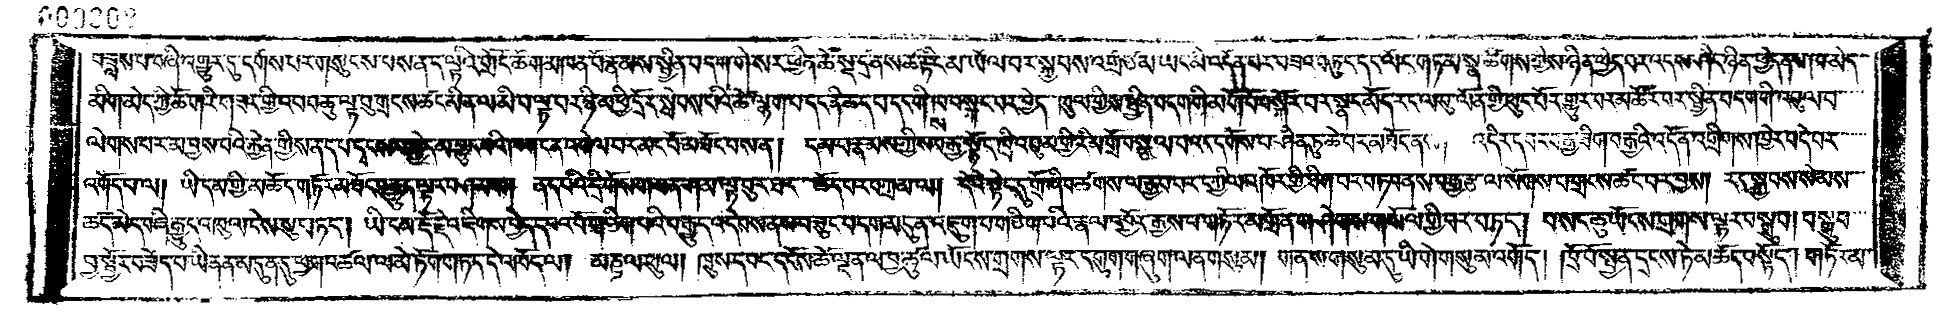བཟླས་པ་བཞི་འགྱུར་དུ་དགོས་པར་གསུངས་པས་ན་ད་ལྟའི་གྲོང་ཆོ་ག་མཁན་པོ་རྣམས་སྦྱིན་བདག་གི་སར་ཕྱིན་ཚེ་སྔ་དྲོ་ནས་ཚ་རྟིང་མ་ཡོལ་བར་སྐྱབས་འགྲོ་ཙམ་ཡང་མི་འདོན་པར་བཟའ་བཏུང་དང་ལོང་གཏམ་སྣ་ཚོགས་ཀྱིས་ཉིན་ཕྱེད་བར་འདས་ཤིང་ཉིན་ཕྱེད་ནས་ཁ་མེད་
མིག་མེད་ཀྱི་ཆོ་ག་རི་གཟར་གྱི་འབབ་ཆུ་ལྟ་བུ་གྲངས་ཚང་མིན་ལ་མི་བལྟ་བར་ཉི་མ་ཕྱི་དྲོར་སླེབས་པའི་ཚེ་ལྷག་པ་དང་ནི་ཆད་པ་དང་གིས་ཁ་བསྐང་བར་བྱེད་ཁུལ་གྱིས་སྦྱིན་བདག་གི་མགོ་བོ་བསྐོར་བར་སྣང་མོད་རང་ལ་བུ་ལོན་གྱི་ཕུང་པོར་གྱུར་བར་མཚོར་བར་སྦྱིན་བདག་གི་འབུལ་བ་
ལེགས་པར་མ་བྱས་པའི་རྐྱེན་གྱིས་ནད་པ་དྭངས་བསྐྱེད་མ་བྱུང་བའི་ཁག་ངན་འགེལ་བར་མང་པོ་མཐོང་བས་ན། དམ་པ་རྣམས་ཀྱིས་བརྒྱ་སྟོང་ཁྲི་འབུམ་གྱི་རིམ་གྲོ་བསྩལ་བའང་དགོས་པ་ཤིན་ཏུ་ཆེ་བར་མཐོང་ནས། འདིར་དབང་བརྒྱ་ཐིག་བརྒྱའི་འདོན་འགྲིགས་ཁྱེར་བདེ་བར་
འགོད་པ་ལ། ཡི་དམ་གྱི་མཆོད་གཏོར་མཐོང་བརྒྱུད་ལྟར་བཤམས། ནད་པའི་དྲི་གོས་གཟན་ཤམ་ལྟ་བུར་ཐར་ཆོད་པར་བཀྲམ་ལ། དེའི་སྟེང་དུ་གྲོ་ཞིབ་ཚགས་ལ་རྒྱབ་བར་དཀྱིལ་འཁོར་གྱི་ཐིག་བར་བཏབ་ནས་བརྒྱ་རྩ་ལ་སོགས་པ་གྲངས་ཚང་བར་བྱས། རང་སྐྱབས་སེམས་
ཚད་མེད་བཞི་རྒྱུད་འཁུལ་ངེས་སུ་བཏང་། ཡི་དམ་རྡོ་རྗེ་འཇིགས་བྱེད་དཔའ་བོ་གཅིག་པའི་བརྒྱུད་འདེབས་ནས་བཟུང་བདག་མདུན་འཇུག་པ་གཅིག་པའི་རྣལ་འབྱོར་རྒྱས་པ་གཏོར་མགྲོན་གཤེགས་གསོལ་གྱི་བར་བཏང་། བསང་ཆུ་ཡོངས་གྲགས་ལྟར་བསྒྲུབ། བསྒྲུབ་
བྱ་སྦྱོར་བཟོད་པ་ཡིན་ན་མདུན་དུ་ཕྱག་འཚལ་ལ་མེ་ཏོག་གཏད་དེ་འཁོད་ལ། མཎྜལ་ཕུལ། ཁྲུས་དབང་དངོས་ཚེ་ལྡན་ལ་བྱ་ཚུལ་ཡོངས་གྲགས་ལྟར་དགུག་གཞུག་ལན་གསུམ། གནས་གསུམ་དུ་ཡི་གེ་གསུམ་འགོད། ཁྲོ་བོ་སྤྱན་དྲངས་ཏེ་མཆོད་བསྟོད། གཏོར་མ་